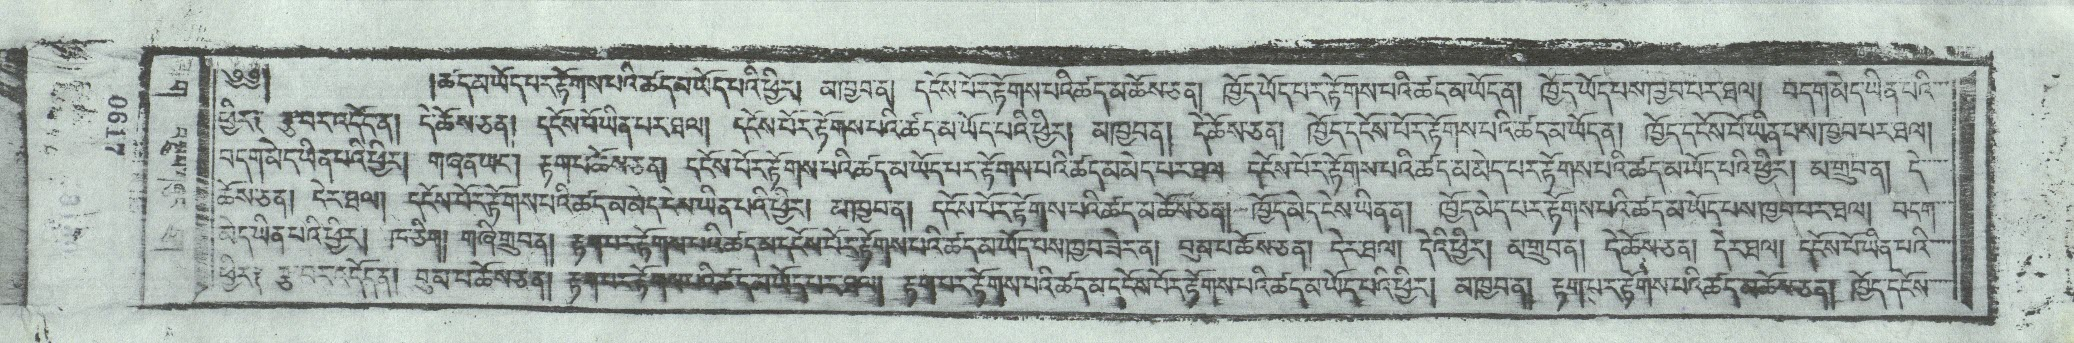༄༅། །ཚད་མ་ཡོད་པར་རྟོགས་པའི་ཚད་མ་ཡོད་པའི་ཕྱིར། མ་ཁྱབ་ན། དངོས་པོར་རྟོགས་པའི་ཚད་མ་ཆོས་ཅན། ཁྱོད་ཡོད་པར་རྟོགས་པའི་ཚད་མ་ཡོད་ན། ཁྱོད་ཡོད་པས་ཁྱབ་པར་ཐལ། བདག་མེད་ཡིན་པའི་
ཕྱིར༑ རྩ་བར་འདོད་ན། དེ་ཆོས་ཅན། དངོས་པོ་ཡིན་པར་ཐལ། དངོས་པོར་རྟོགས་པའི་ཚད་མ་ཡོད་པའི་ཕྱིར། མ་ཁྱབ་ན། དེ་ཆོས་ཅན། ཁྱོད་དངོས་པོར་རྟོགས་པའི་ཚད་མ་ཡོད་ན། ཁྱོད་དངོས་པོ་ཡིན་པས་ཁྱབ་པར་ཐལ།
བདག་མེད་ཡིན་པའི་ཕྱིར། གཞན་ཡང་། རྟག་པ་ཆོས་ཅན། དངོས་པོར་རྟོགས་པའི་ཚད་མ་ཡོད་པར་རྟོགས་པའི་ཚད་མ་མེད་པར་ཐལ་དངོས་པོར་རྟོགས་པའི་ཚད་མ་མེད་པར་རྟོགས་པའི་ཚད་མ་ཡོད་པའི་ཕྱིར། མ་གྲུབ་ན། དེ་
ཆོས་ཅན། དེར་ཐལ། དངོས་པོར་རྟོགས་པའི་ཚད་མ་མེད་ངེས་ཡིན་པའི་ཕྱིར། མ་ཁྱབ་ན། དངོས་པོར་རྟོགས་པའི་ཚད་མ་ཆོས་ཅན། ཁྱོད་མེད་ངེས་ཡིན་ན། ཁྱོད་མེད་པར་རྟོགས་པའི་ཚད་མ་ཡོད་པས་ཁྱབ་པར་ཐལ། བདག་
མེད་ཡིན་པའི་ཕྱིར། ཁ་ཅིག། གཞི་གྲུབ་ན། རྟག་པར་རྟོགས་པའི་ཚད་མ་དངོས་པོར་རྟོགས་པའི་ཚད་མ་ཡོད་པས་ཁྱབ་ཟེར་ན། བུམ་པ་ཆོས་ཅན། དེར་ཐལ། དེའི་ཕྱིར། མ་གྲུབ་ན། དེ་ཆོས་ཅན། དེར་ཐལ། དངོས་པོ་ཡིན་པའི་
ཕྱིར༑ རྩ་བར་འདོད་ན། བུམ་པ་ཆོས་ཅན། རྟག་པར་རྟོགས་པའི་ཚད་མ་ཡོད་པར་ཐལ། རྟག་པར་རྟོགས་པའི་ཚད་མ་དངོས་པོར་རྟོགས་པའི་ཚད་མ་ཡོད་པའི་ཕྱིར། མ་ཁྱབ་ན། རྟག་པར་རྟོགས་པའི་ཚད་མ་ཆོས་ཅན། ཁྱོད་དངོས་